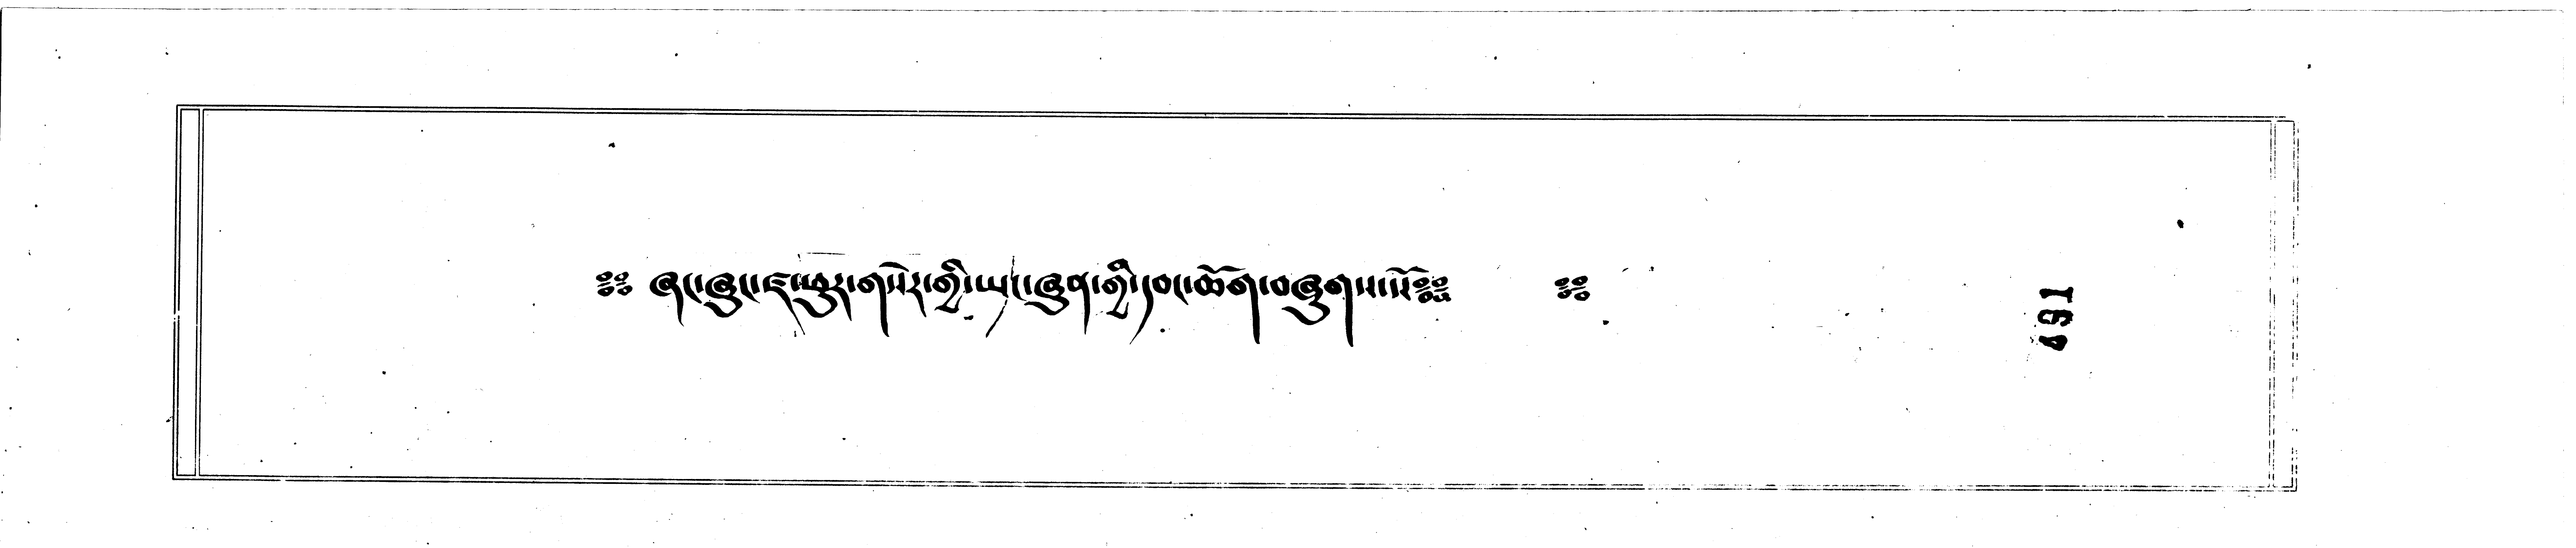༔༔ཞང་ཞུང་ཛྭ་ཕུར་གསེར་གྱི་ཡང་ཞུན་གྱི་དབང་ཆོག་བཞུགས་སོ༔༔ ༔༔